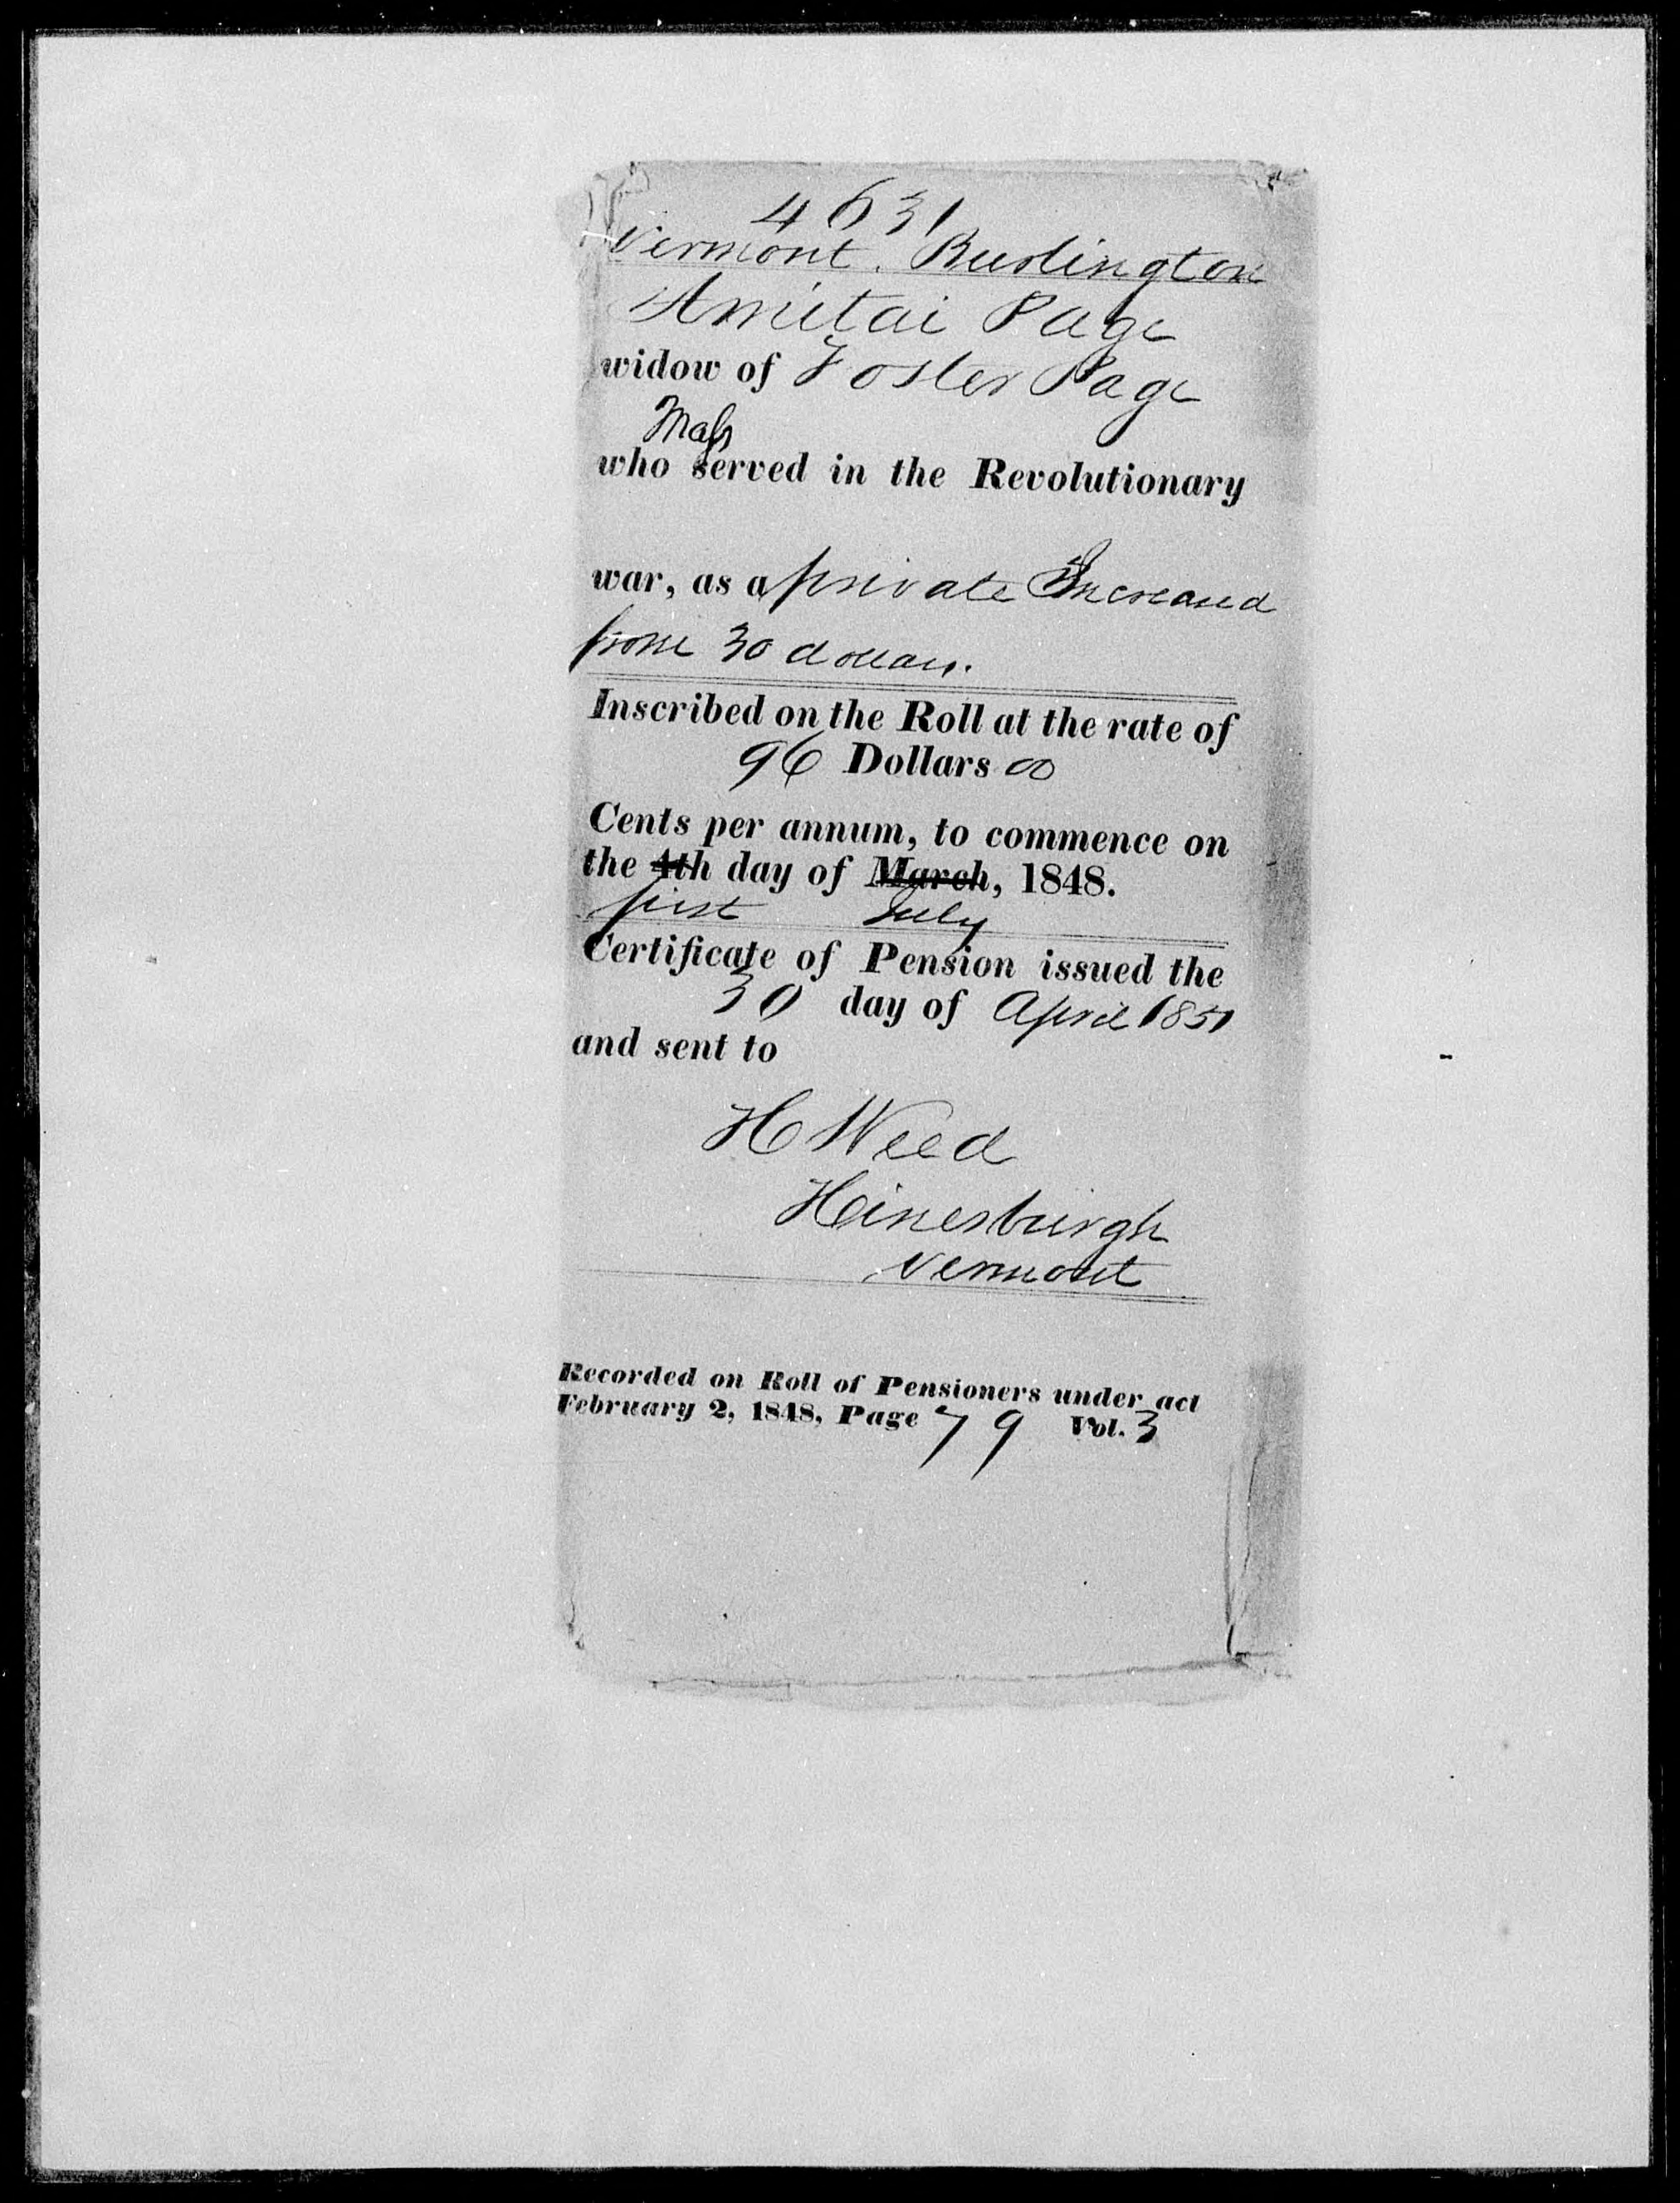4631
Vermont, Burlington
Amitai Page
widow of Foster Page
Mass
who served in the Revolutionary war
, as a private Increased
from 30 dollars
Inscribed on the Roll at the rate of
96 Dollars 00
Cents per annum, to commence on
the first [crossed out 4th] day of July [crossed out March], 1848.
Certificate of Pension issued the
30 day of April 1837
and sent to
H Weed
Hinesburgh
Vermont
Recorded on Roll of Pensioners under act
February 2, 1848, Page 79
Vol. 3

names: Foster Page; Amitai Page; H Weed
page: 2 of 40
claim: widow's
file: W. 15168, for Foster Paige, Massachusetts